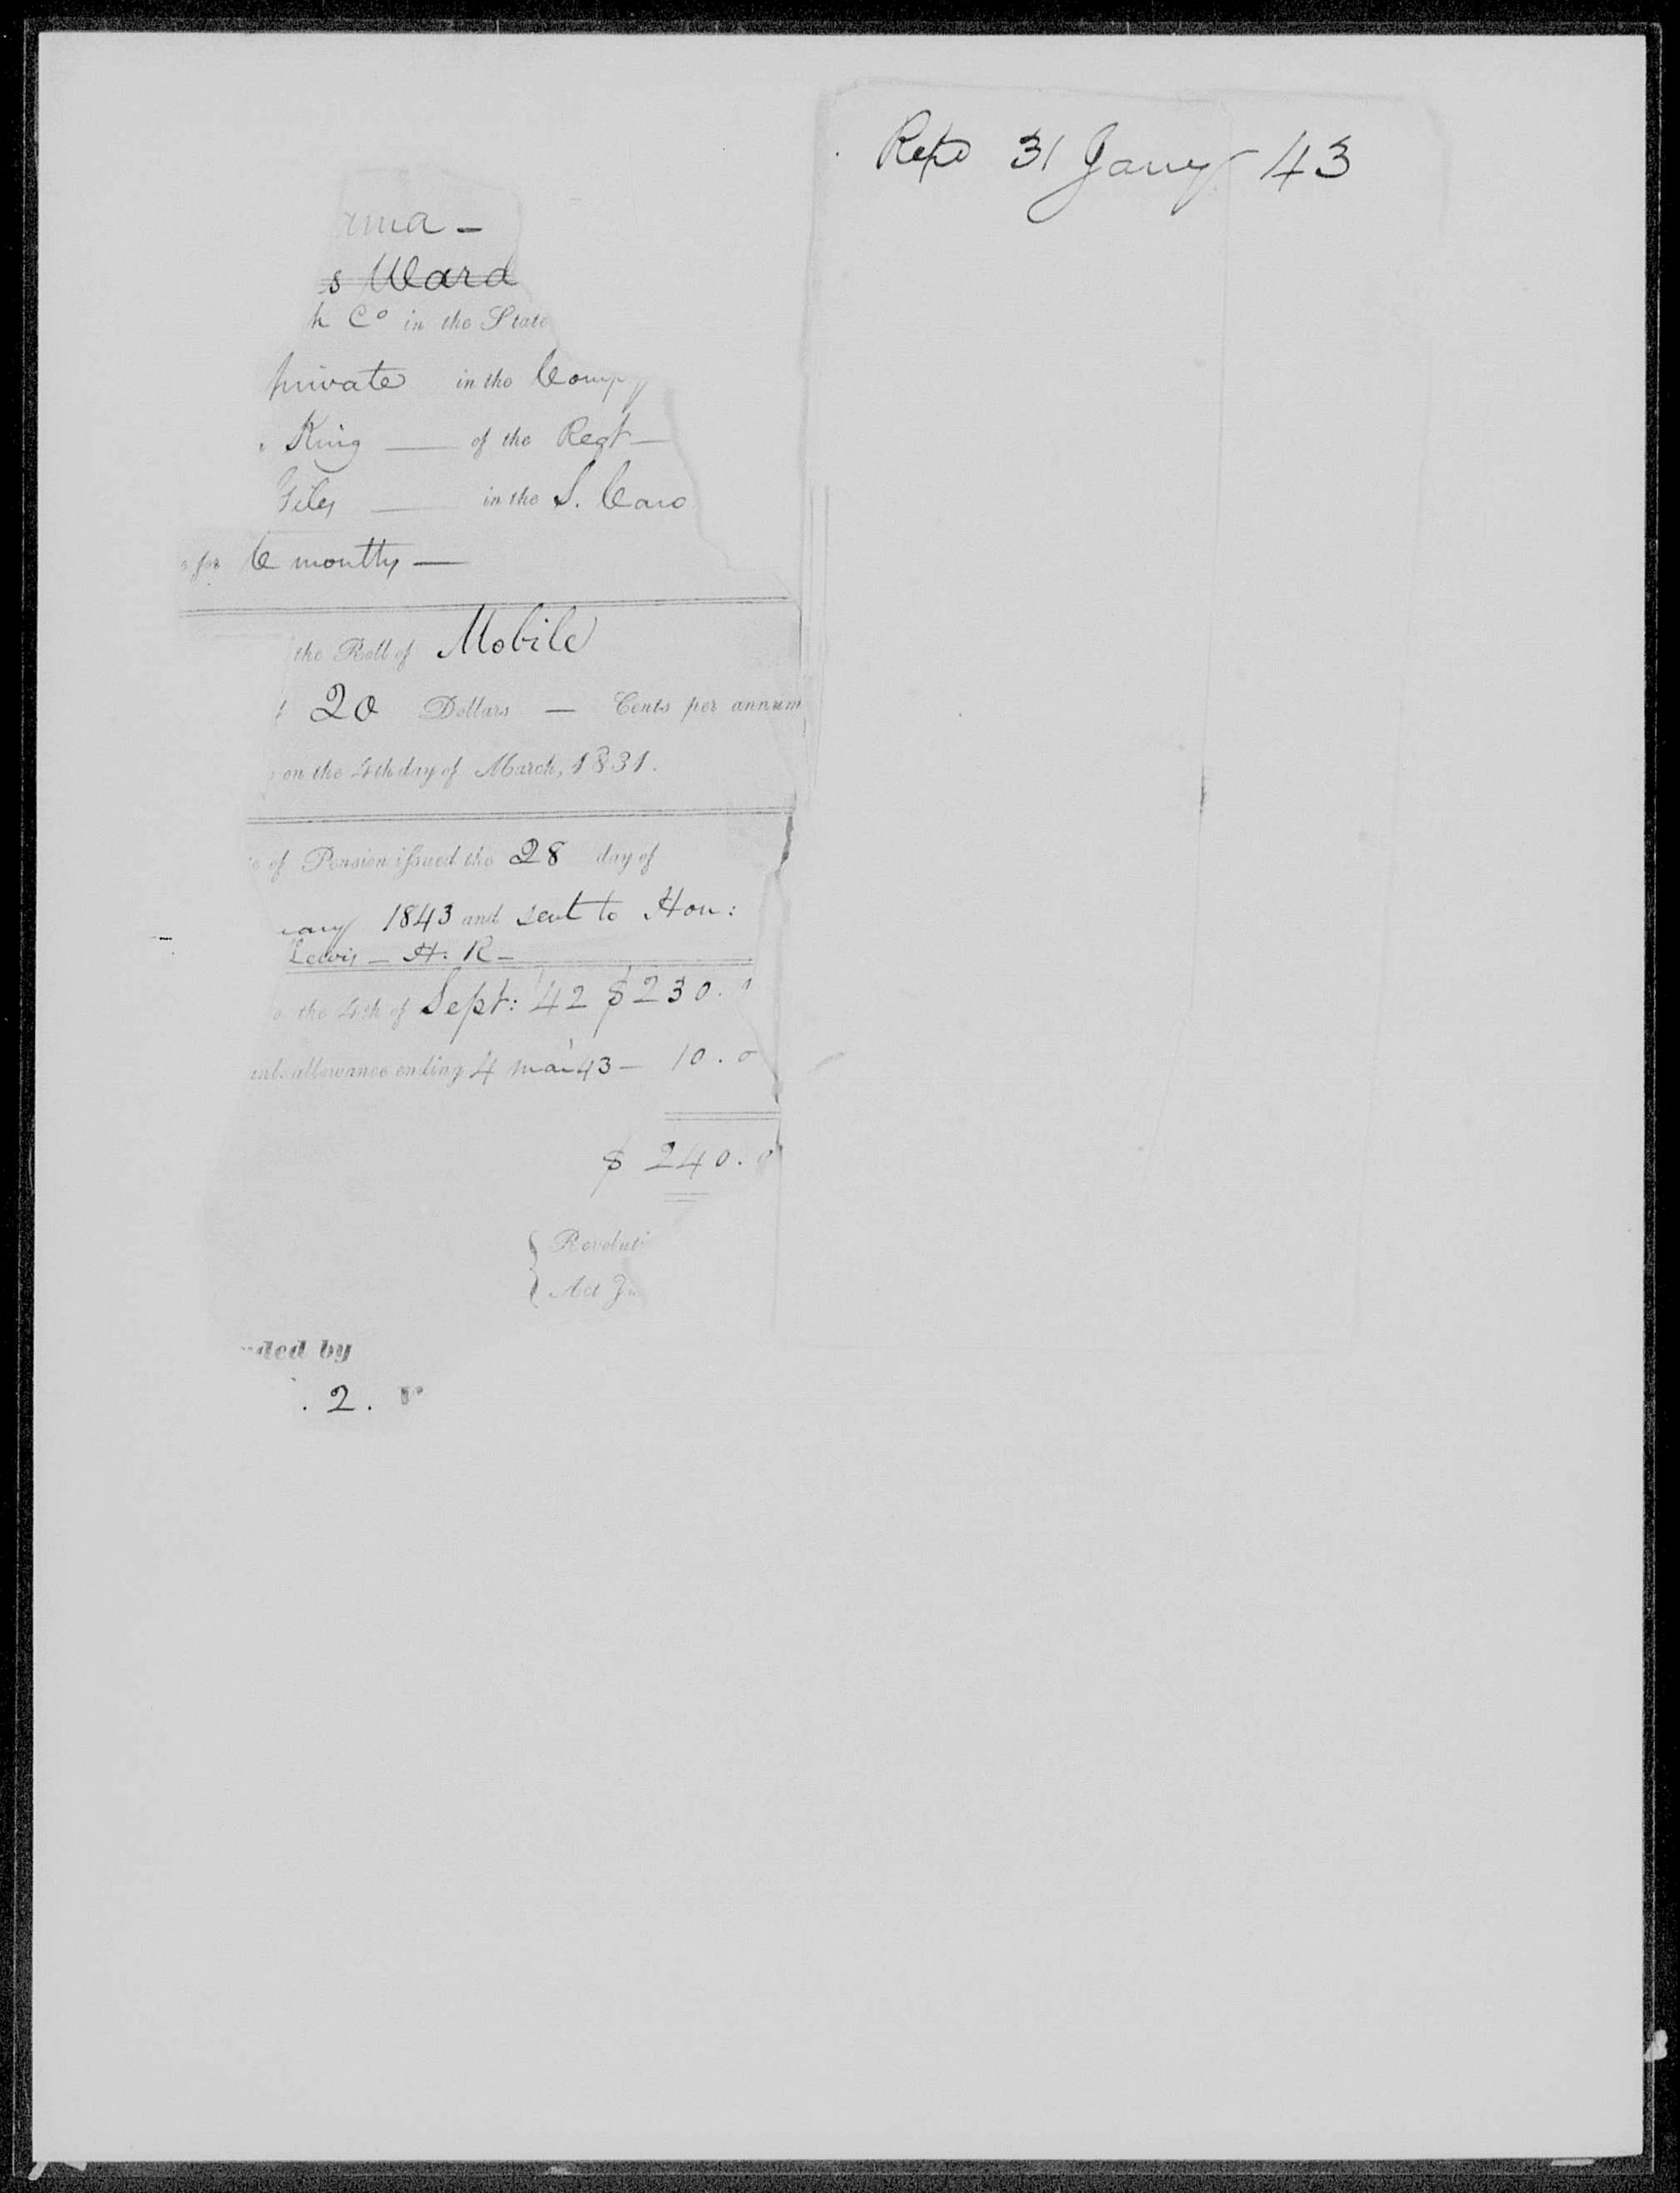[page torn at top and about 1/3 way down on both sides]

ama __
s Ward
h Co in the State
private in the Compy
, King of the Regt ___
Giles ___ in the S. Caro
for 6 months ___

the Roll of Mobile
t  20 Dollars  -- Cents per annum 
g on the 4tyh day of March, 1831.

the of Pension issued the 28  day of 
uary   1843 and sent to Hon:  Lewis __ H.R __

the 4th of Sept:  42  $230. 1_
ant. allowance ending 4 May '43 __   10.0_

$240.0_

Revoluti
Act Ju

red by
.  2.   v


Repd     31 Jany   43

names: Giles, Ward, Lewis, King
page: 2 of 31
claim: survivor's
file: S. 14802, Thomas Ward, S.C.